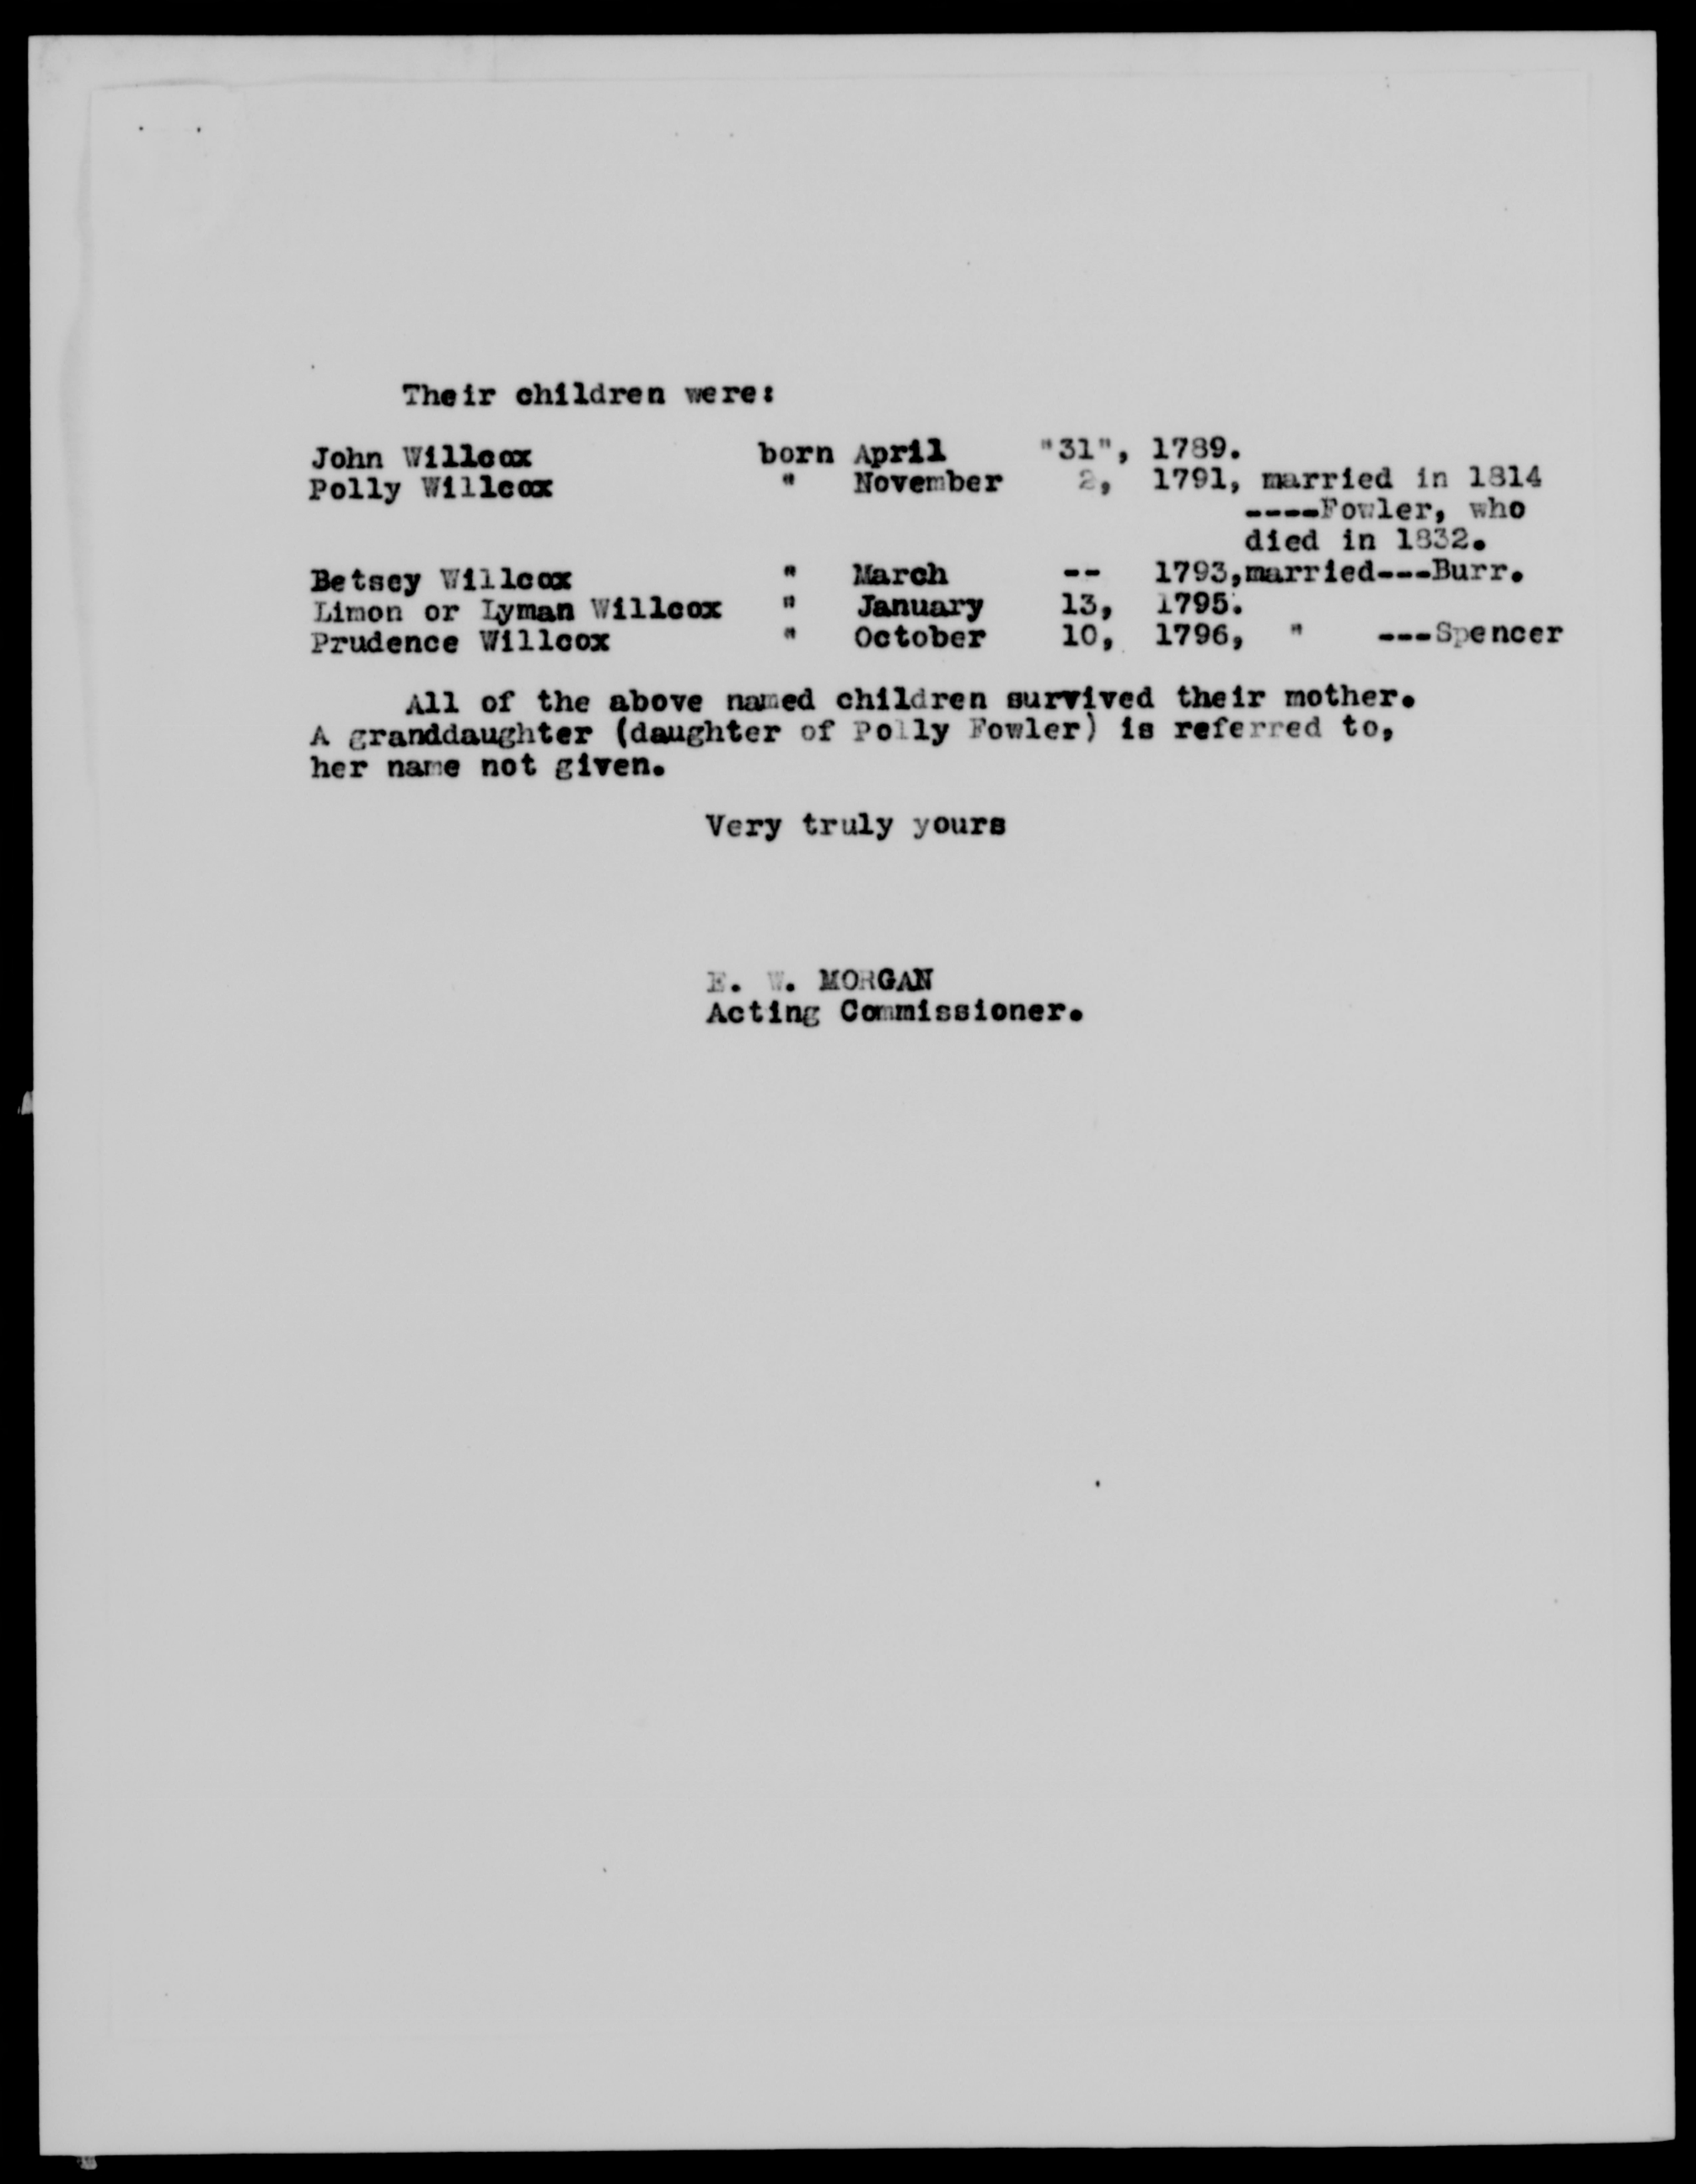Their children were:

John Willcox born April "31", 1789.
Polly Willcox born November 2, 1791, married in 1814----Fowler, who died in 1932.
Betsey Willcox born March -- 1793, married----Burr.
Limon or Lyman Willcox born January 13, 1795.
Prudence Willcox born October 10, 1796, married ---Spencer.

All of the above named children survived their mother. A granddaughter (daughter of Polly Fowler) is referred to, her name not given.

Very truly your
E.W. Morgan
Acting Commissioner.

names: Lyman Willcox, Polly Willcox, E W Morgan, Betsey Willcox, Spencer, Polly Fowler, Limon Willcox, Prudence Willcox, Burr, John Willcox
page: 45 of 46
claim: widow's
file: W. 18,417, James Willcox, Conn.